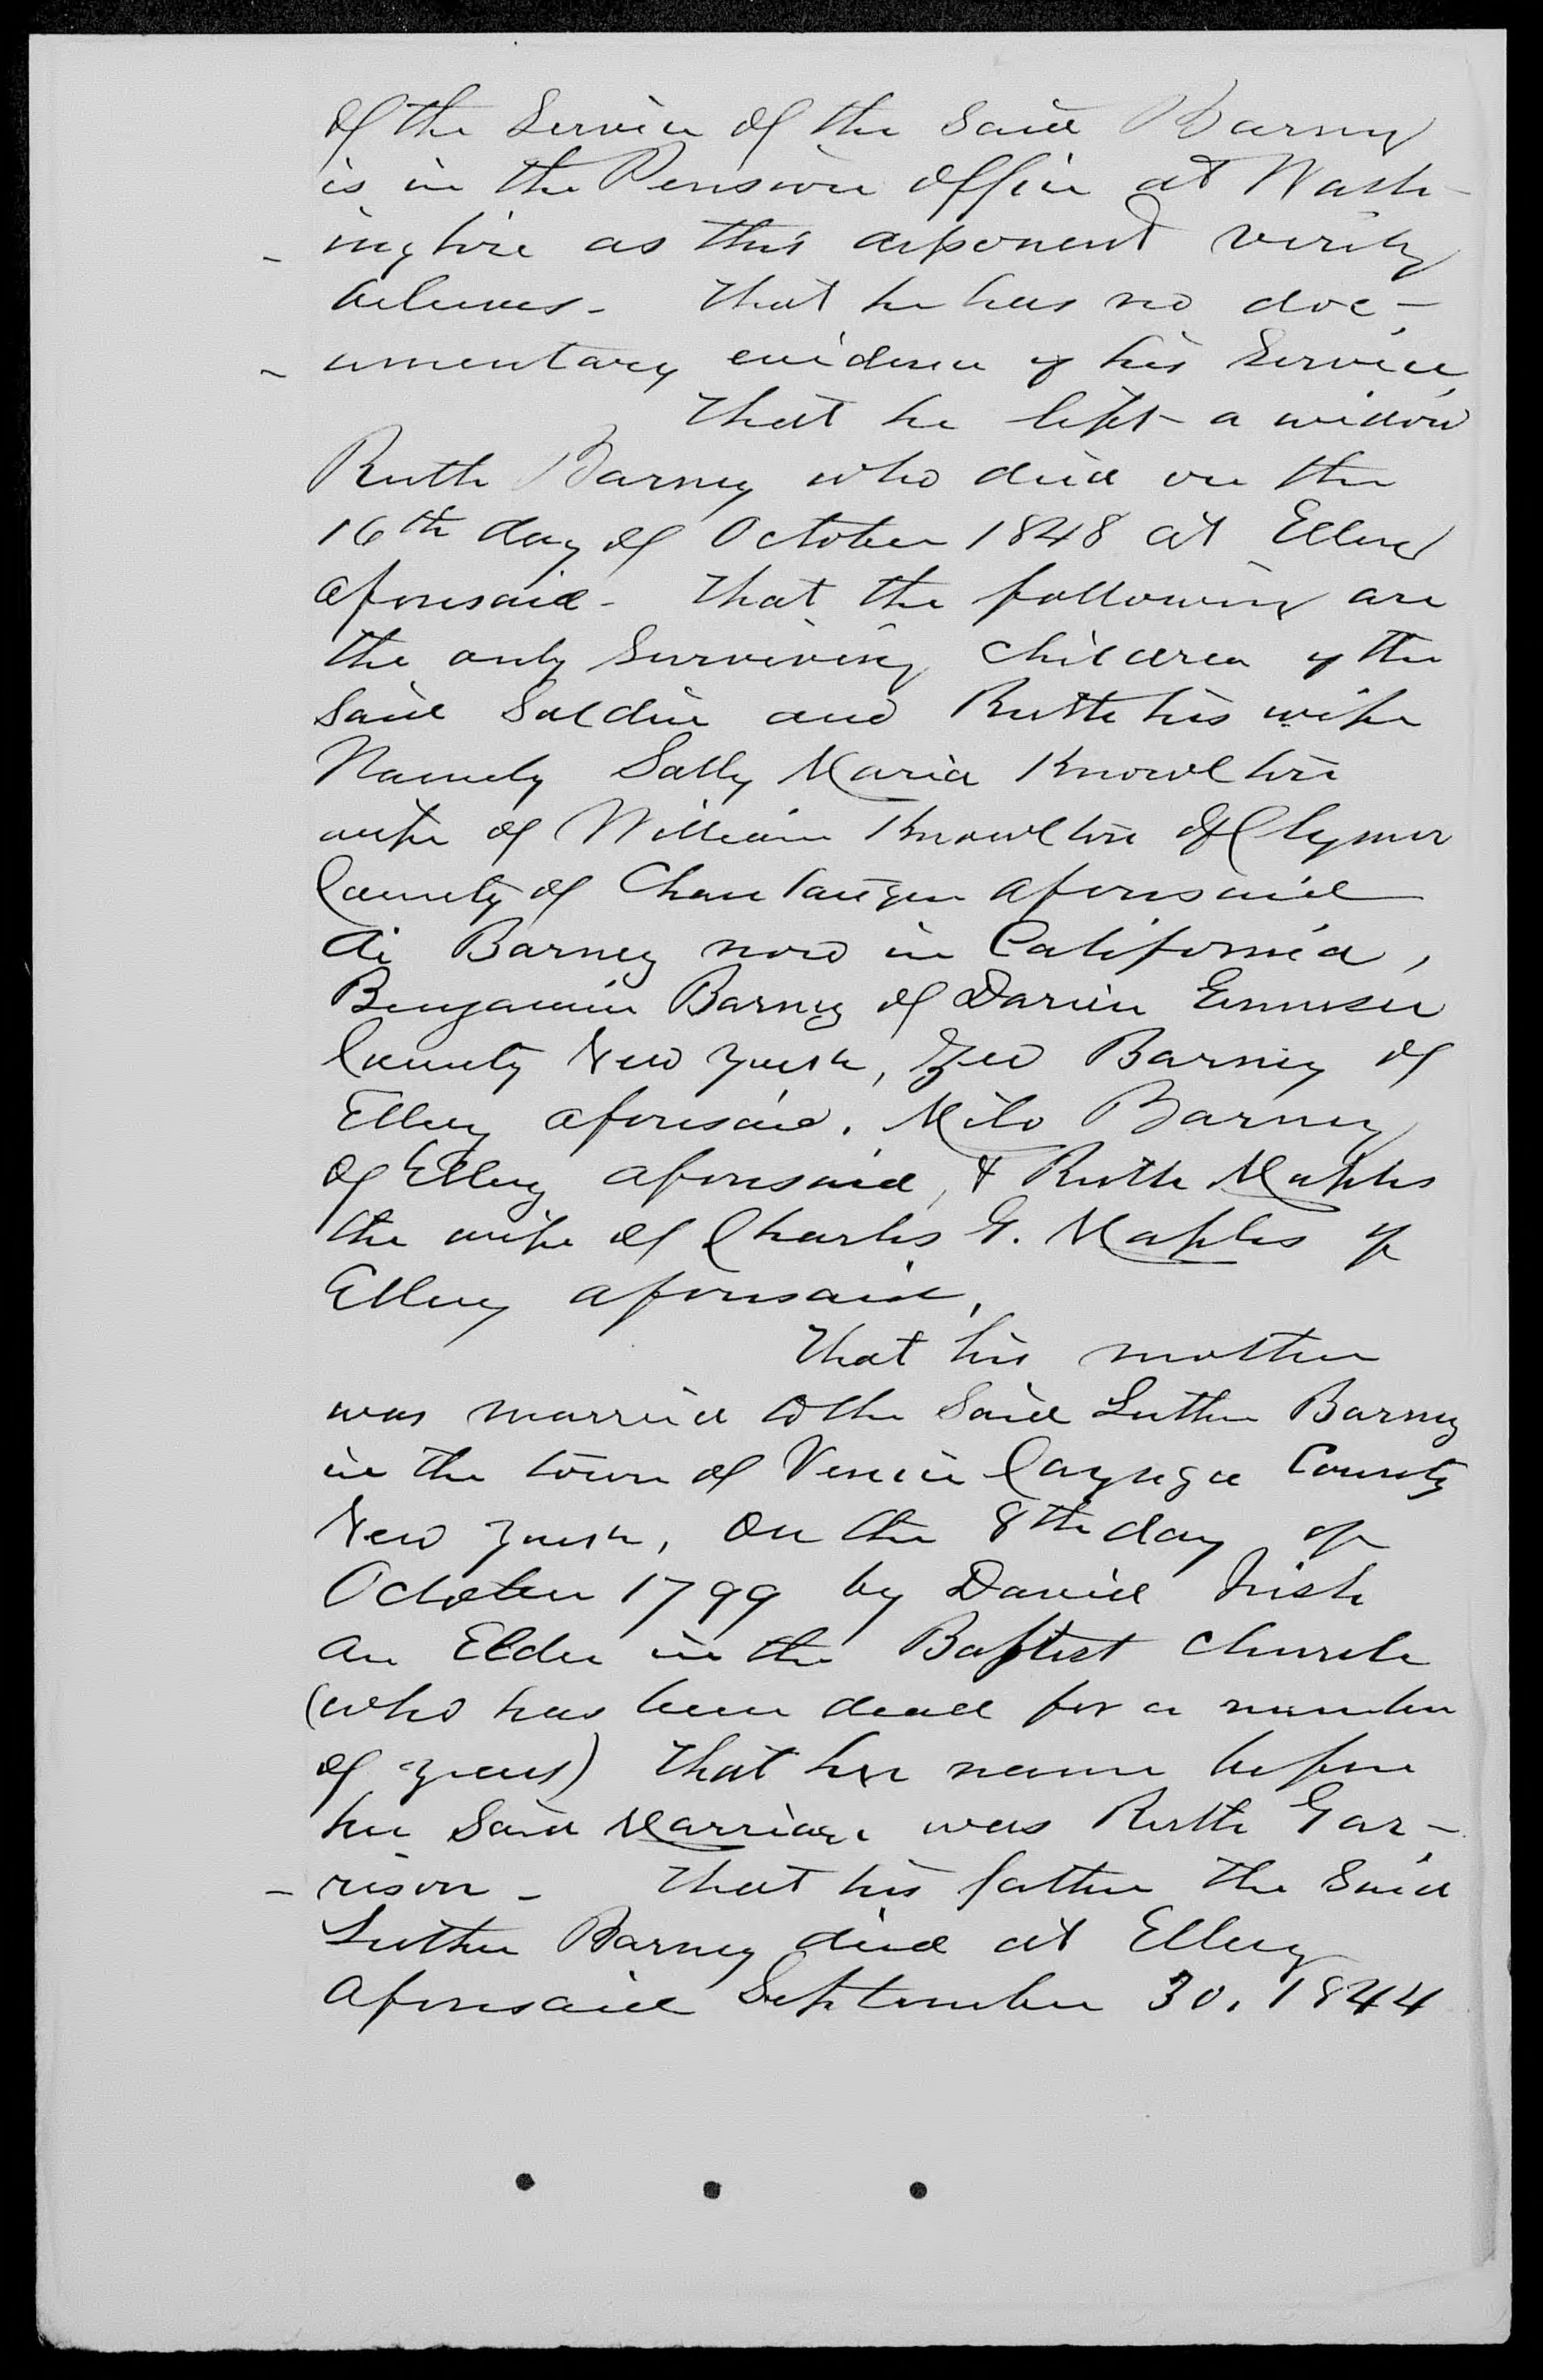of the Service of the said Barney is in the Pension Office at Washington as this deponent verily believes, that he has no documentary evidence of his Service. That he left a widow Ruth Barney who died on the 16th day of October 1848 at Ellery aforesaid. That the following are the only surviving children of the said Soldier and Ruth his wife Namely Sally Maria Knowlton wife of William Knowlton of Clymer County of Chautauqua aforesaid. A Barney now in California, Benjamin Barney of Darien Genessee County New York, Zee Barney of Ellery aforesaid, Milo Barney of Ellery aforesaid, & Ruth Hobbs the wife of Charles G. Maples of Ellery aforesaid, that his mother was married to the said Luther Barney in the town of Venice Cayuga County New York, on the 8th day of October 1799 by David Irish an Elder in the Baptist Church (who has been dead for a number of years) that her name before her said Marriage was Ruth Garrison. That his father the said Luther Barney died at Ellery aforesaid September 30, 1844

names: Ruth, Charles G Maples, Luther Barney, Saldin, Benjamin Barney, Barney, Ruth Barney, Sally Maria Knowlton, Zee Barney, Ai Barney, William Knowlton, Milo Barney, Ruth Garrison, Daniel Irish, Luther Barney, Ruth Maples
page: 15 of 61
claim: widow's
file: W. 4.124, Luther Barney, Conn. Privateer.